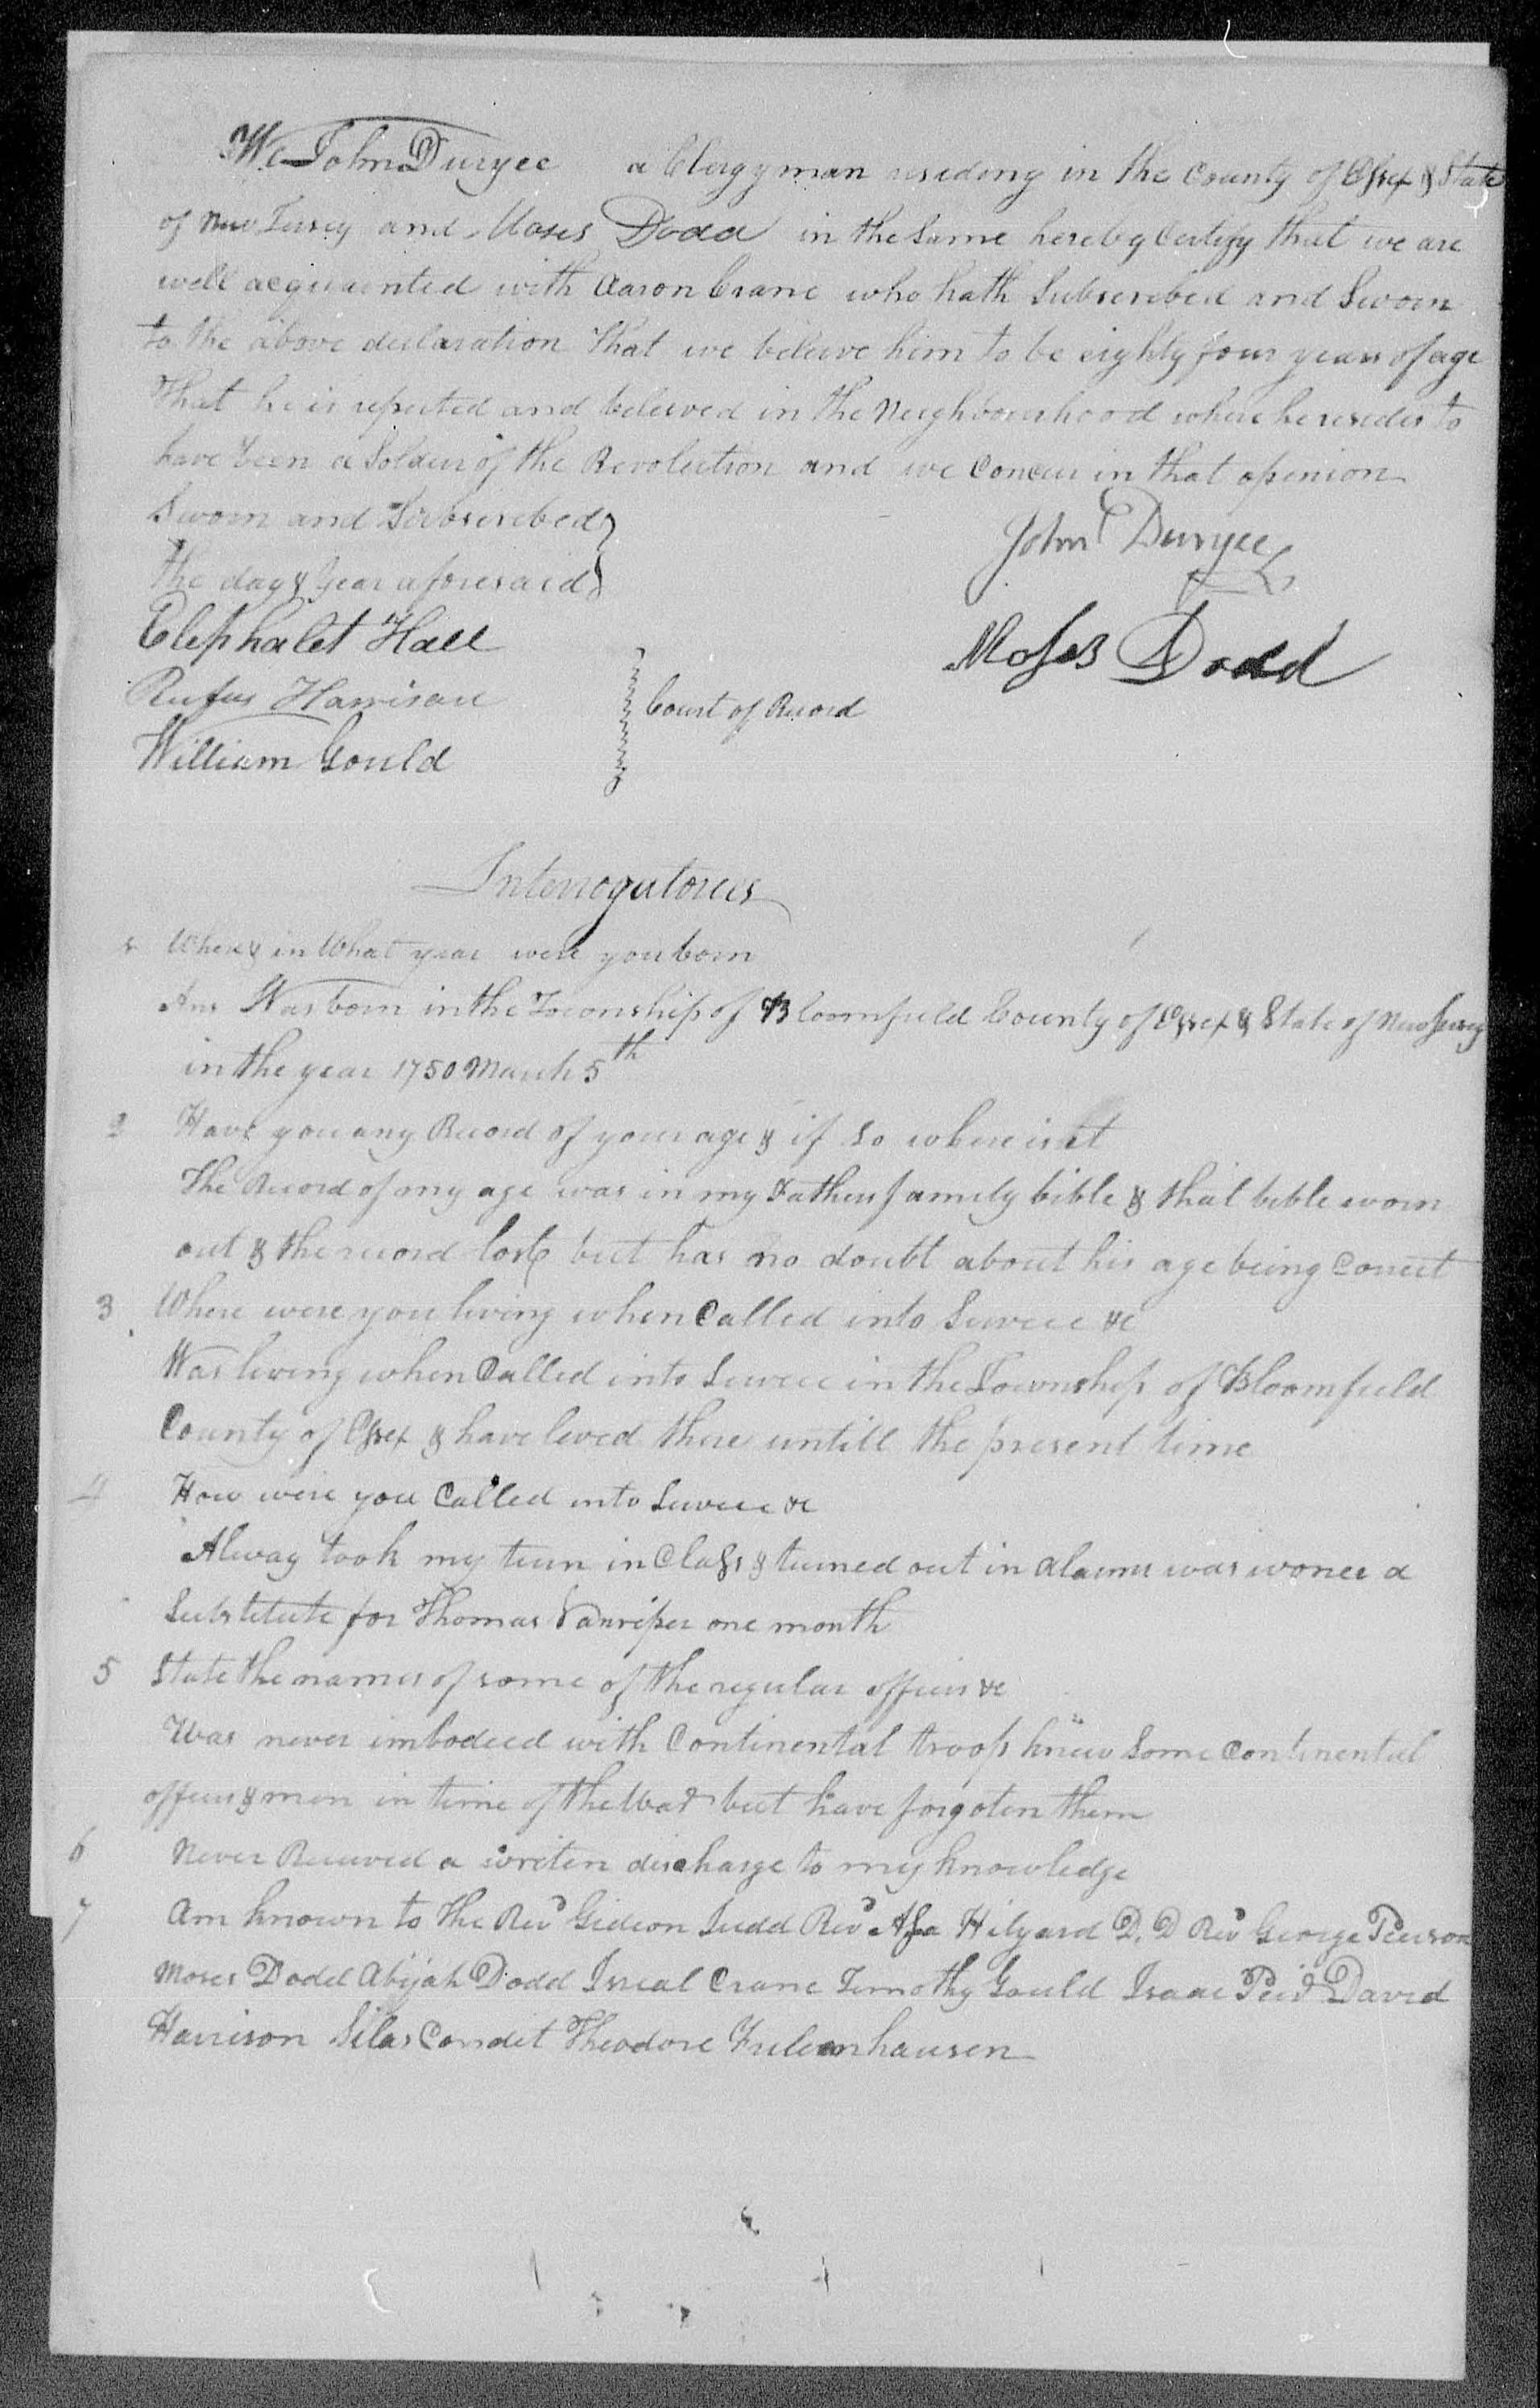We John Duryee a Clergyman residing in the  County of Essex & State

of New Jersay and Moses in the same hereby certify that we are

well acquainted with AAron Crane who hath Subscirbed and Sworn

to the above declaration that we believe him to be eighty four years of age

That he is reported and believed int the neighborhood where hereunto to

have been a soldier of the Revolution and we concur in that opinion

sworn and subscribed

the day & year aforesaid

Elephalet Hall                                                                 John Duryee

Rufus Harrison      Court of Record

William Gould                                                                  Moses Dodd


                                                                                 Interrogatories

1.   When & in what year were your born

An was born in the Township of Bloomfield County of Essex & State of New Jersey

in the year 1750 March 5th


2   Have you any Record of you age if so where is it

The record of my age was in my Fathers family bible & that bible worn

out & the record lost but has not doubt about his age being correct


3    Where were you living when called into service

Was living when called into service in the Township of Bloomfied

County of Essex & have lived there untill the present time.


4    How were you called into Service or

Always took my turn in ? & turned out in alarm was wonce &

substitute for Thomas Vanripper one month


5  State the names of some of the regular officiers &c

Was never embodied with continental troop knew som continental

officers & men in the time of the war but have forgoton them


6  Never reviewed a writen discharge to my knowledge


7   An known to the Revd Gideon Judd  Revd As Hilyard D D Revd George Pearon

Moses Dodd  Abijah Dodd   Isreal Crane  Timothy Crane   Isaac ?   David

Harrison   Silas Condit   Theodore Frelinhauson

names: Moses Dodd, Moses Dodd, Theodore Frelinhauson, Elephalet Hall, Moses Dodd, Isreal Crane, George Pierson, Aaron Crane, Gideon Judd, David Harrison, Asa Hilyard, William Gould, John Duryee, Timothy Gould, Thomas Vanriper, Isaac Pierson, Rufus Harrison, Silas Condit, John Duryee, Abijah Dodd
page: 7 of 32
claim: rejected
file: R. 2441, Aaron Crane, New Jersey